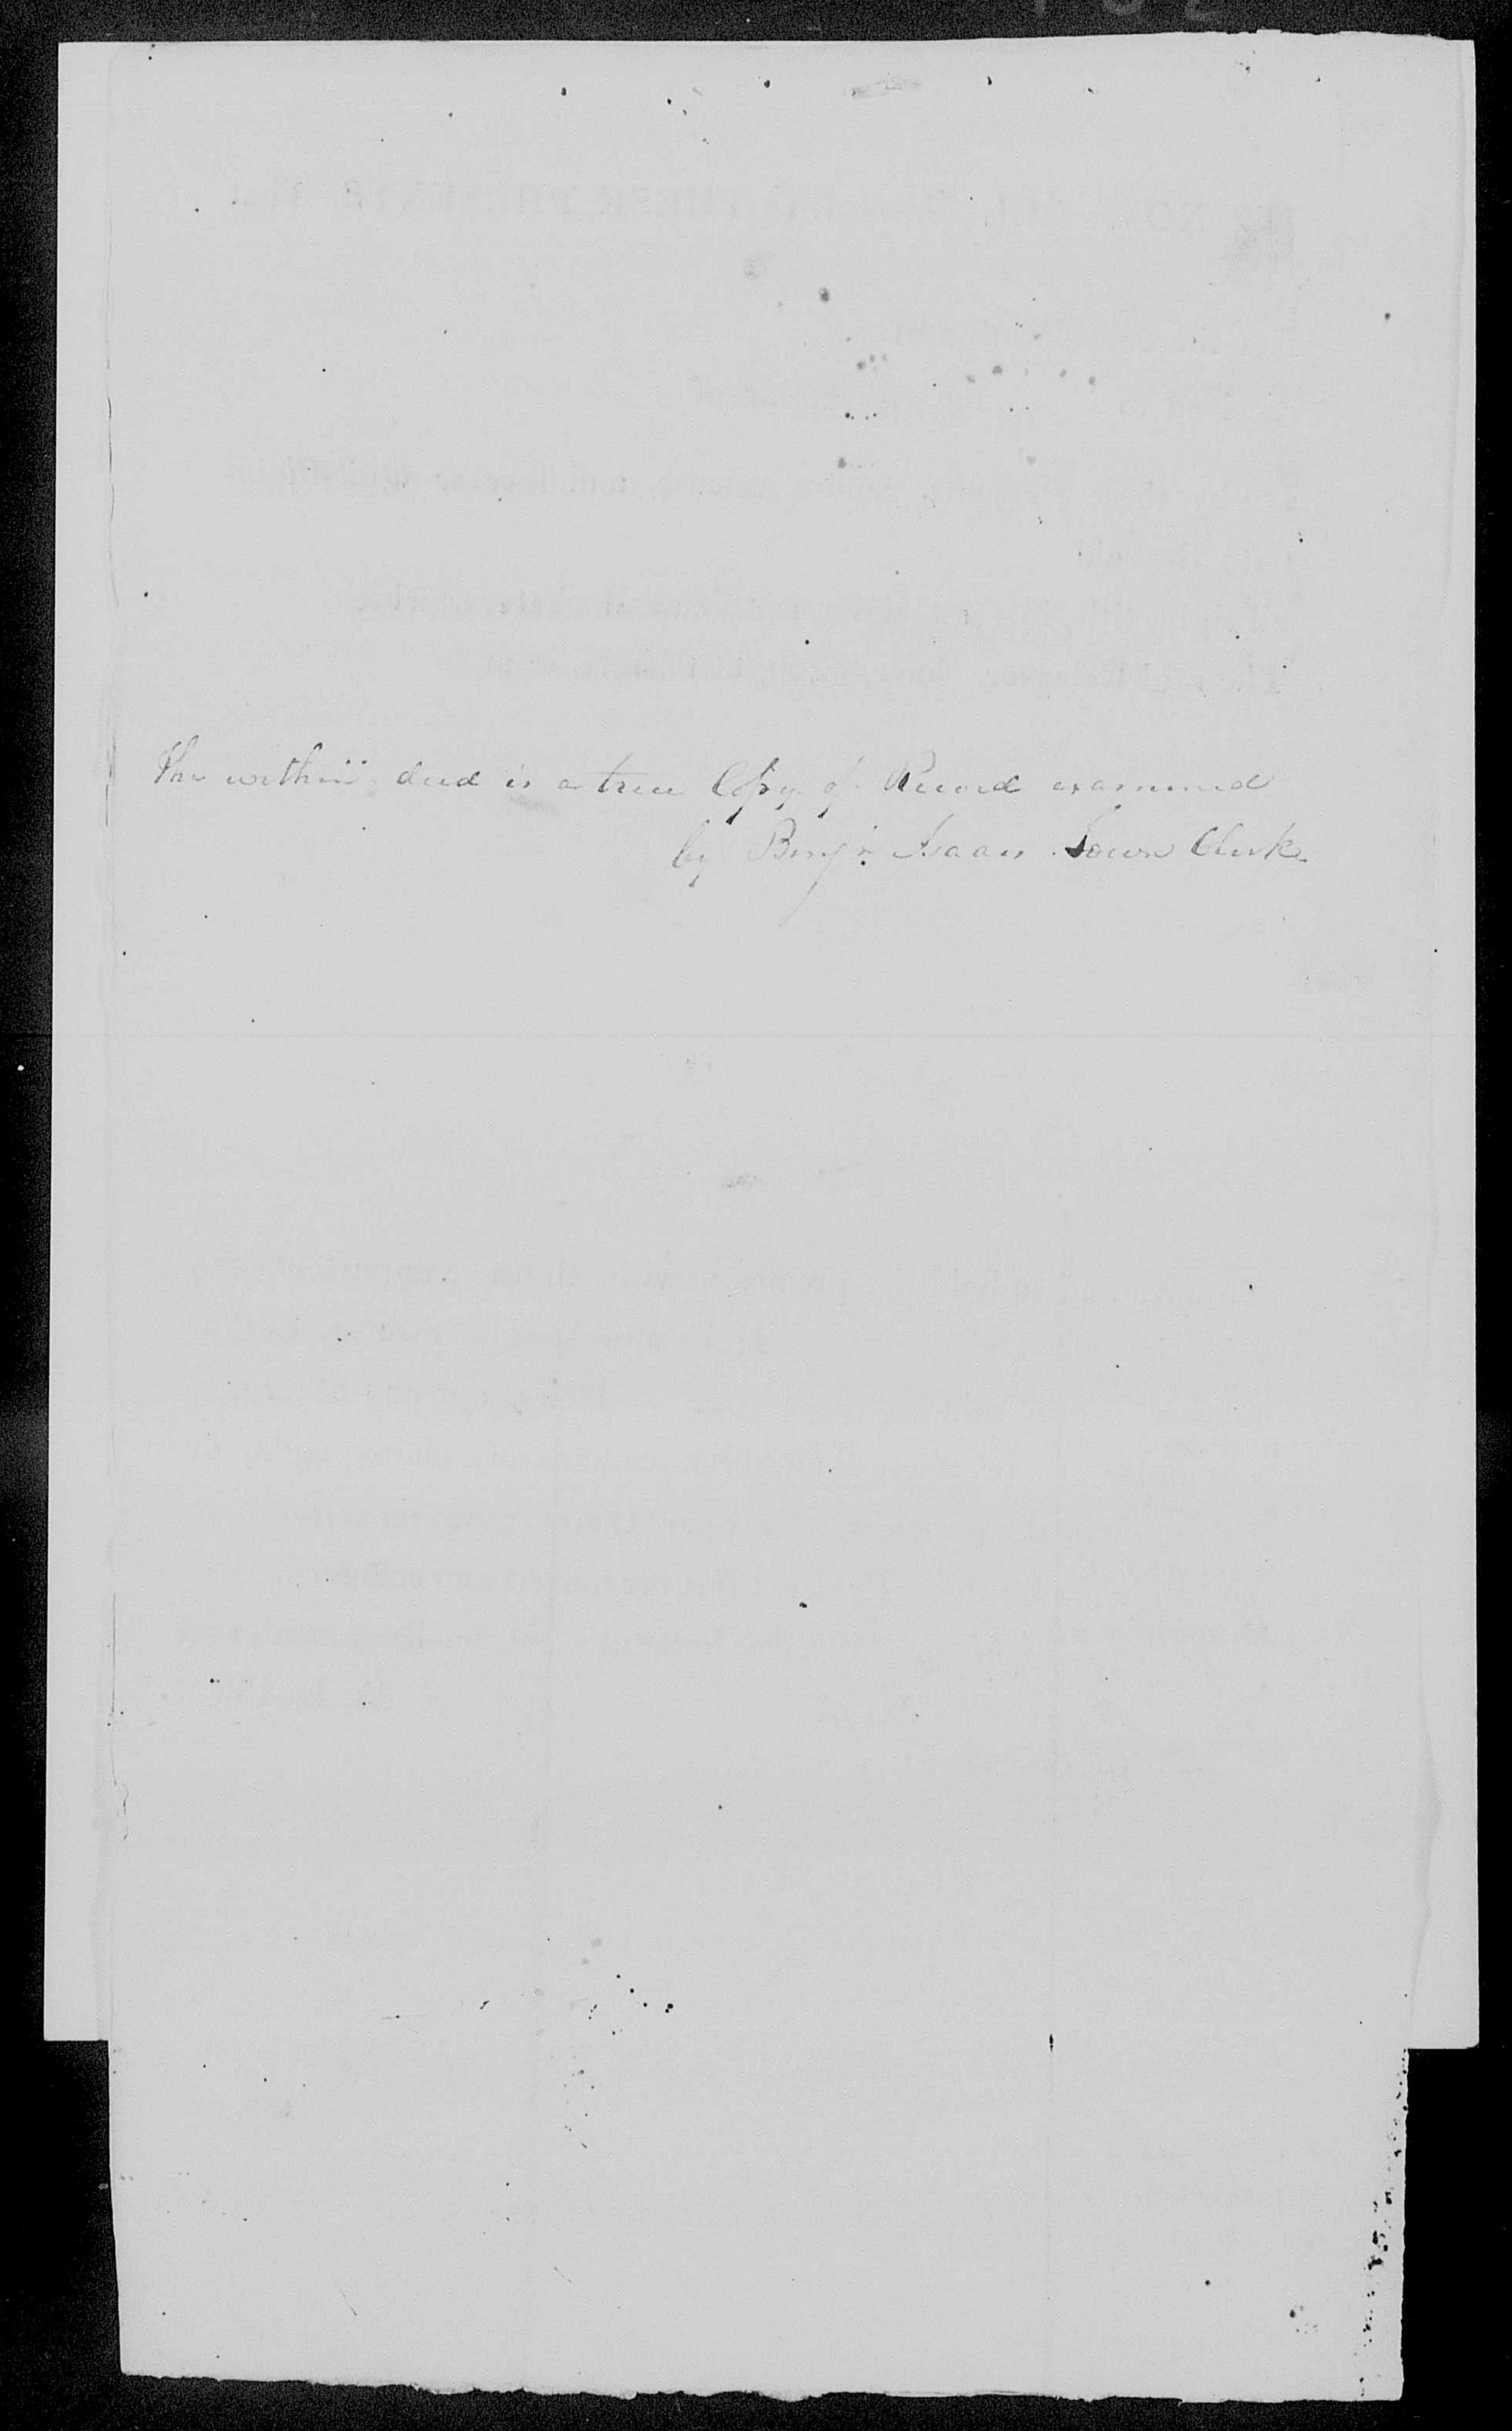The within deed is a true copy of Record examined by Benj. Isaacs, Town Clerk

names: Benjn Isaacs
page: 30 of 61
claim: widow's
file: W. 29,929, Hezekiah Betts, Conn.